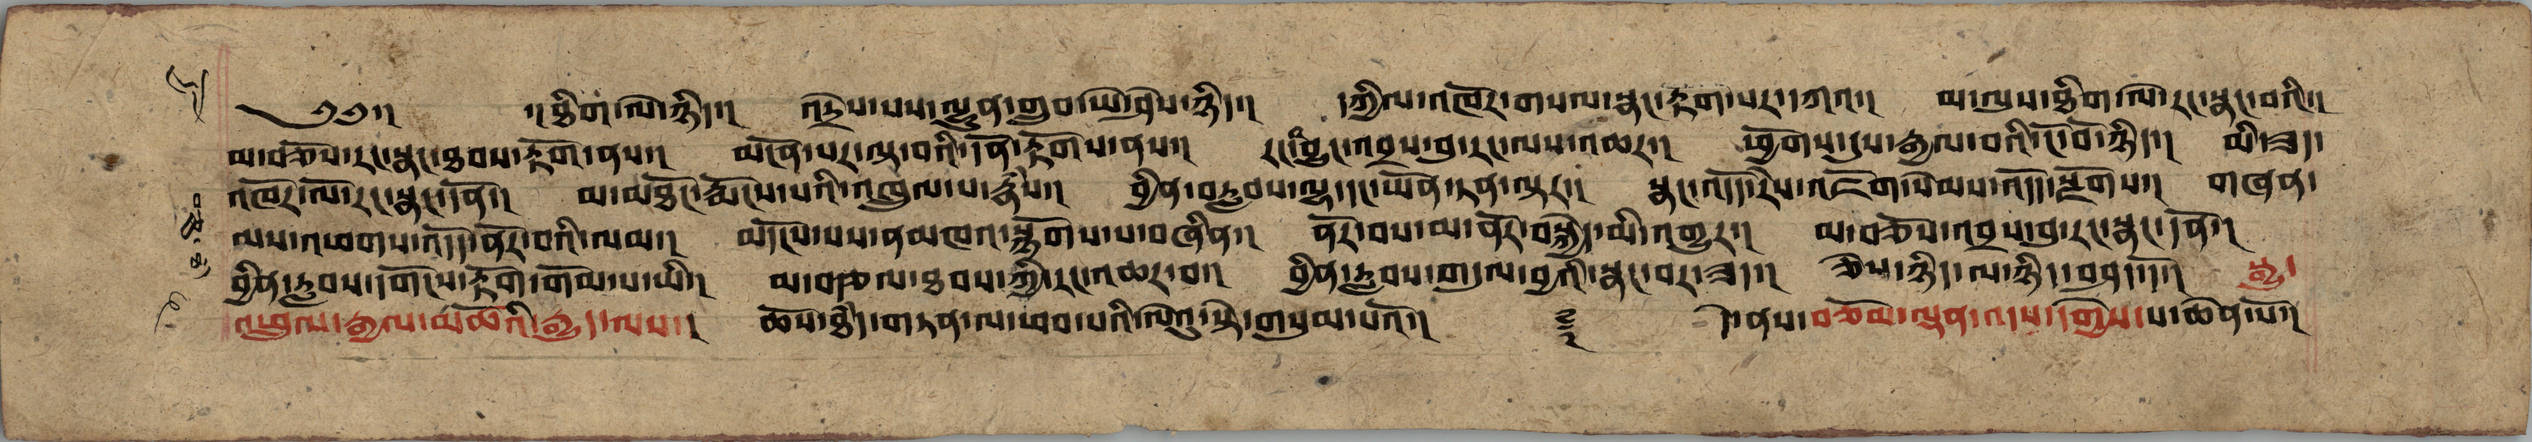༄༅་། ་།ཐིག་ལེ་ཉིད་། འདྲེས་པས་ལྷུན་གྲུབ་ཡེ་ཤེས་ཉིད་། དཀྱིལ་འཁོར་གསལ་སྣང་རྟག་པར་དཀའ་། མ་ལུས་ཐིག་ལེ་རང་སྣང་བའི་།
མ་བཅོས་རང་སྣང་ཐབས་རྟོག་ནས་། མངོན་པར་ལྟ་བའི་དོན་རྟོགས་ནས་། རང་འབྱུང་འབྲས་བུ་རང་ལས་འཆར་། ཕྱོགས་དུས་རྒྱལ་བའི་ངོ་བོ་ཉིད་། མི་ཟད་
འཁོར་ལོ་རང་སྣང་དོན་། མ་མཐོང་རྨོངས་པའི་འཁྲུལ་པ་རྣཾས་། བྱིན་བརླབས་ལྷ་དང་ཡོན་ཏན་ལྟར་། སྣང་འདོད་རེས་འཇོག་སེམས་འདོད་སྫོགས་། གཞན་
ལས་འཕགས་འདོད་ནོར་བའི་ལམ་། མདོངས་པས་ནམཁའ་སྙོགས་པ་བཞིན་། ནོར་བས་མ་ནོར་བསྐྱེད་མི་འགྱུར་། མ་བཅོས་འབྲས་བུ་རང་སྣང་དོན་།
བྱིན་རླབས་དགོངས་རྟོག་གོམ་པ་ཡི་། མ་བརྩལ་ཐབས་ཀྱི་རང་འཆར་བ་། བྱིན་རླབས་གདུལ་བྱའི་སྣང་བར་ཟད་། ཅེས་ཉིད་ལ་ཉིད་བཤད་དོ་། སྒྱུ་
འཕྲུལ་རྒྱལ་མཚོའི་རྒྱུད་ལས་། ཆོས་ཐཾད་གཏན་ལ་ཕབ་པའི་ལེའུ་སྟེ་གསུམ་པའོ་། ࿑ དེ་ནས་བཅོམ་ལྡན་འདས་དགྱེས་པ་ཆེན་པོ་།